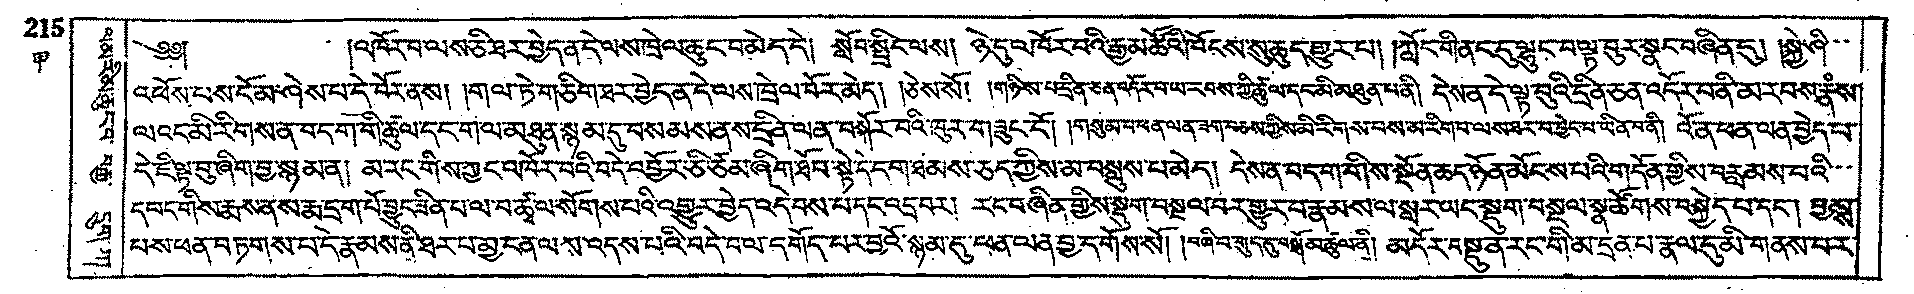༄༅། །འཁོར་བ་ལས་ཅི་ཐར་བྱེད་ན་དེ་ལས་ཁྲེལ་ཆུང་བ་མེད་དེ། སློབ་སྤྲིང་ལས། ཉེ་དུ་འཁོར་བའི་རྒྱ་མཚོའི་ཁོངས་སུ་ཆུད་གྱུར་པ། །ཀློང་གི་ནང་དུ་ལྷུང་བ་ལྟ་བུར་སྣང་བཞིན་དུ། །སྐྱེ་ཤི་
འཕོས་པས་ངོ་མ་ཤེས་པ་དེ་བོར་ནས། །གལ་ཏེ་གཅིག་ཐར་བྱེད་ན་དེ་ལས་ཁྲེལ་བོར་མེད། །ཅེས་སོ། །གཉིས་པ་དྲིན་ཅན་འདོར་བ་ཡ་རབས་ཀྱི་ཚུལ་དང་མི་མཐུན་པ་ནི། དེས་ན་དེ་ལྟ་བུའི་དྲིན་ཅན་འདོར་བ་ནི་མ་རབས་རྣཾས་
ལའང་མི་རིགས་ན་བདག་གི་ཚུལ་དང་ག་ལ་མཐུན་སྙམ་དུ་བསམས་ནས་དྲིན་ལན་བསྐོར་བའི་ཁུར་གཟུང་ངོ། །གསུམ་པ་ཕན་ལན་ཟག་བཅས་ཀྱིས་མི་རིགས་པས་མ་རིག་པ་ལས་ཐར་བ་བྱེད་པ་ཡིན་པ་ནི། འོ་ན་ཕན་ལན་བྱེད་པ་
དེ་ཇི་ལྟ་བུ་ཞིག་བྱ་སྙམ་ན། མ་རང་གིས་ཀྱང་འཁོར་བའི་བདེ་འབྱོར་ཅི་ཙམ་ཞིག་ཐོབ་སྟེ་དེ་དག་ཐམས་ཅད་ཀྱིས་མ་བསླུས་པ་མེད། དེས་ན་བདག་གིས་སྔོན་ཆད་ཉོན་མོངས་པའི་གདོན་གྱིས་བརླམས་པའི་
དབང་གིས་རྨས་ནས་རྨ་དྲག་པོ་བྱུང་ཟིན་པ་ལ་བ་ཚྭ་ལ་སོགས་པའི་འགྱུར་བྱེད་འདེབས་པ་དང་འདྲ་བར། རང་བཞིན་གྱིས་སྡུག་བསྔལ་བར་གྱུར་པ་རྣམས་ལ་སླར་ཡང་སྡུག་བསྔལ་སྣ་ཚོགས་བསྐྱེད་པ་དང་། བྱམས་
པས་ཕན་བཏགས་པ་དེ་རྣམས་ནི་ཐར་པ་མྱ་ངན་ལས་འདས་པའི་བདེ་བ་ལ་དགོད་པར་བྱའོ་སྙམ་དུ་ཕན་ལན་བྱ་དགོས་སོ། །བཞི་པ་གུད་དུ་བསྒོམ་ཚུལ་ནི། མདོར་བསྡུ་ན་རང་གི་མ་དྲན་པ་རྣལ་དུ་མི་གནས་པར་